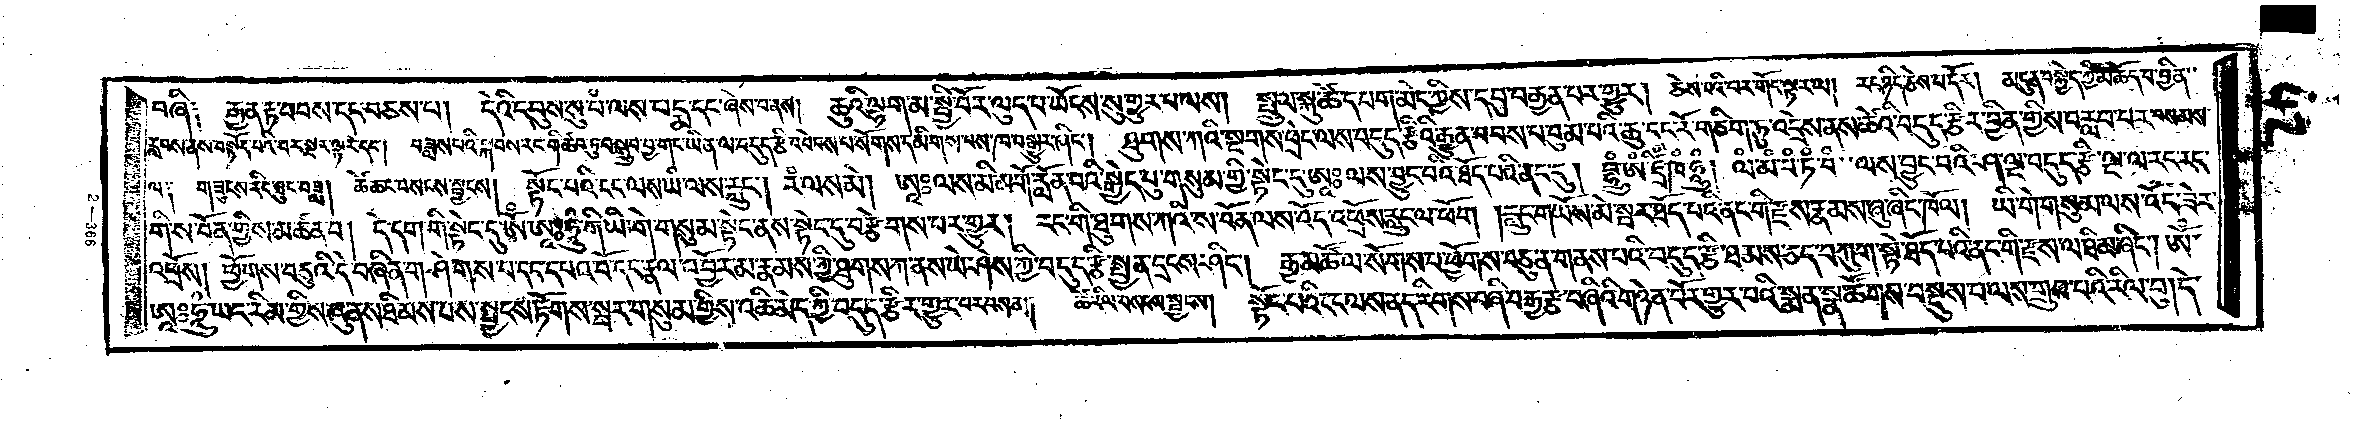བཞི༑ རྒྱན་རྟ་བབས་དང་བཅས་པ། དེའི་དབུས་སུ་པཾ་ལས་པདམ་དང་ཞེས་པ་ནས། ཆུའི་ལྷག་མ་སྤྱི་བོར་ལུད་པ་ཡོངས་སུ་གྱུར་པ་ལས། སྤྲུལ་སྐུ་ཚེ་དཔག་མེད་ཀྱིས་དབུ་བརྒྱན་པར་གྱུར། ཅེས་བའི་བར་གོང་ལྟར་ལ། རང་ཉིད་ཅེས་པ་དོར། མདུན་བསྐྱེད་ཀྱི་མཆོད་པ་བྱིན་
རླབས་ནས་བསྟོད་པའི་བར་སྔར་ལྟར་དང་། བཟླས་པའི་སྐབས་རང་གི་ཚབ་ཏུ་བསྒྲུབ་བྱ་གང་ཡིན་ལ་བདུད་རྩི་འབེབས་པ་སོགས་དམིགས་པས་ཁ་བསྒྱུར་ཞིང་། ཐུགས་ཀའི་སྔགས་ཕྲེང་ལས་བདུད་རྩིའི་རྒྱུན་བབས་པ་བུམ་པའི་ཆུ་དང་རོ་གཅིག་ཏུ་འདྲེས་ནས་ཚེའི་བདུད་རྩིར་བྱིན་གྱིས་བརླབ་པར་བསམས་
ལ༑ གཟུངས་རིང་ཐུང་བཟླ། ཚེ་ཆང་བསངས་སྦྱངས། སྟོང་པའི་ངང་ལས་ཡཾ་ལས་རླུང་། རཾ་ལས་མེ། ཨཱཿལས་མི་མགོ་རློན་པའི་སྒྱེད་པུ་གསུམ་གྱི་སྟེང་དུ་ཨཱཿལས་བྱུང་བའི་ཐོད་པའི་ནང་དུ། བྷྲུཾ་ཨཾ་ཛིཾཁཾ་ཧཱུཾ། ལཾ་མཾ་པཾ་ཏཾ་བཾ་ལས་བྱུང་བའི་ཤ་ལྔ་བདུད་རྩི་ལྔ་ལ་རང་རང་
གི་ས་བོན་གྱིས་མཚན་བ། དེ་དག་གི་སྟེང་དུ་ཨོཾ་ཨཱཿཧཱུཾ་གི་ཡི་གེ་གསུམ་སྟེང་ནས་སྟེང་དུ་བརྩེགས་པར་གྱུར། རང་གི་ཐུགས་ཀའི་ས་བོན་ལས་འོད་འཕྲོས་རླུང་ལ་ཕོག །རླུང་གཡོས་མེ་སྦར་ཐོད་པའི་ནང་གི་རྫས་རྣམས་ཞུ་ཞིང་ཁོལ། ཡི་གེ་གསུམ་ལས་འོད་ཟེར་
འཕྲོས། ཕྱོགས་བཅུའི་དེ་བཞིན་གཤེགས་པ་དང་དཔའ་བོ་དང་རྣལ་འབྱོར་མ་རྣམས་ཀྱི་ཐུགས་ཀ་ནས་ཡེ་ཤེས་ཀྱི་བདུད་རྩི་སྤྱན་དྲངས་ཤིང་། རྒྱ་མཚོ་ལ་སོགས་པ་ཕྱོགས་བཅུ་ན་གནས་པའི་བདུད་རྩི་ཐམས་ཅད་བཀུག་སྟེ་ཐོད་པའི་ནང་གི་རྫས་ལ་ཐིམ་ཞིང་། ཨོཾ་
ཨཱཿཧཱུཾ་ཡང་རིམ་གྱིས་ཞུ་ནས་ཐིམས་པས་སྤྱངས་རྟོགས་སྦར་གསུམ་གྱིས་འཆི་མེད་ཀྱི་བདུད་རྩིར་གྱུར་བར་བསམ། ཚེ་རིལ་བསངས་སྦྱངས།  སྟོང་པའི་ངང་ལས་ནད་རིགས་བཞི་བརྒྱ་རྩ་བཞིའི་གཉེན་པོར་གྱུར་བའི་སྨན་སྣ་ཚོགས་བསྡུས་བ་ལས་གྲུབ་པའི་རིལ་བུ་།དེ་